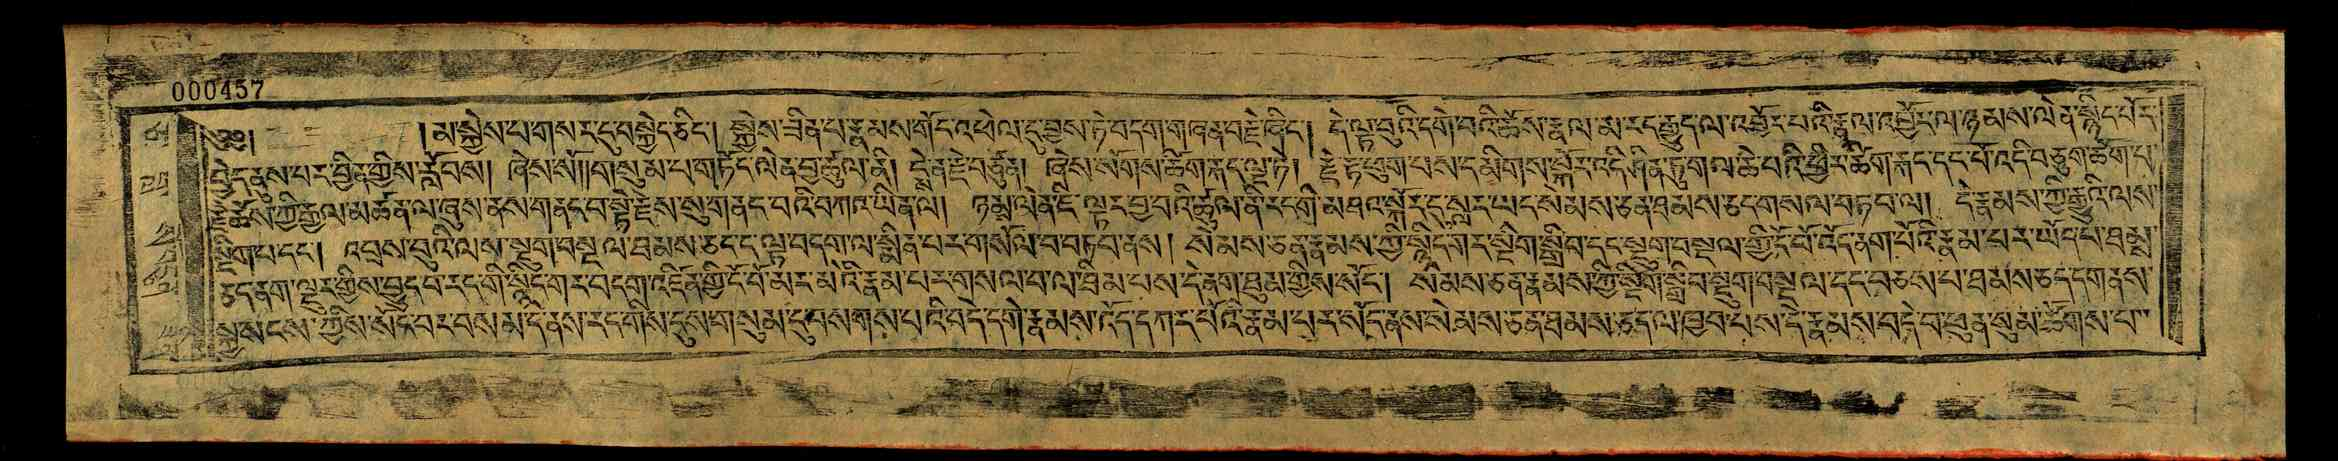༄༅། །མ་སྐྱེས་པ་གསར་དུ་བསྐྱེད་ཅིང་། སྐྱེས་ཟིན་པ་རྣམས་གོང་འཕེལ་དུ་བྱས་ཏེ་བདག་གཞན་བརྗེ་ཞིང་། དེ་ལྟ་བུའི་དགེ་བའི་ཆོས་རྣལ་མ་རང་རྒྱུད་ལ་འབྱོར་པའི་རྣལ་འབྱོར་ལ་ཉམས་ལེན་སྙིང་པོར་
བྱེད་ནུས་པར་བྱིན་གྱིས་རློབས། ཞེས་སོ། །གསུམ་པ་གཏོང་ལེན་བྱ་ཚུལ་ནི། དེས་ན་རྗེ་བཙུན། ཞེས་སོགས་ཚིག་རྐང་ལྔ་ཏེ། རྗེ་རྟ་ཕུག་བས་དམིགས་སྐོར་འདི་ཤིན་ཏུ་གལ་ཆེ་བའི་ཕྱིར་ཚིག་རྐང་དང་པོ་འདི་བཅུག་ཆོག་པ་
རྗེ་ཆོས་ཀྱི་རྒྱལ་མཚན་ལ་ཞུས་ནས་གནང་བ་སྟེ་རྗེས་སུ་གནང་བའི་བཀའ་ཡིན་ལ། ཉམས་ལེན་ཇི་ལྟར་བྱ་བའི་ཚུལ་ནི་རང་གི་མཐའ་སྐོར་དུ་སླར་ཡང་སེམས་ཅན་ཐམས་ཅད་གསལ་བཏབ་ལ། དེ་རྣམས་ཀྱི་རྒྱུའི་ལས་
སྡིག་པ་དང་། འབྲས་བུའི་ལས་སྡུག་བསྔལ་ཐམས་ཅད་ད་ལྟ་བདག་ལ་སྨིན་པར་གསོལ་བ་བཏབ་ནས། སེམས་ཅན་རྣམས་ཀྱི་སྙིང་གར་སྡིག་སྒྲིབ་དང་སྡུག་བསྔལ་གྱི་ངོ་བོ་འོད་ནག་པོའི་རྣམ་པར་ཡོད་པ་ཐམས་
ཅད་ནག་ལྡུར་གྱིས་བྱུང་བ་རང་གི་སྙིང་གར་བདག་འཛིན་གྱི་ངོ་བོ་མར་མེའི་རྣམ་པར་གསལ་བ་ལ་ཐིམ་པས་དེ་ནག་ཐུམ་གྱིས་སོང་། སེམས་ཅན་རྣམས་ཀྱི་སྡིག་སྒྲིབ་སྡུག་བསྔལ་དང་བཅས་པ་ཐམས་ཅད་དག་ནས་
སྐྱ་སངས་ཀྱིས་སོང་བར་བསམ། དེ་ནས་རང་གིས་དུས་གསུམ་དུ་བསགས་པའི་བདེ་དགེ་རྣམས་འོད་དཀར་པོའི་རྣམ་པར་སོང་ནས་སེམས་ཅན་ཐམས་ཅད་ལ་ཁྱབ་པས་དེ་རྣམས་བདེ་བ་ཕུན་སུམ་ཚོགས་པ་